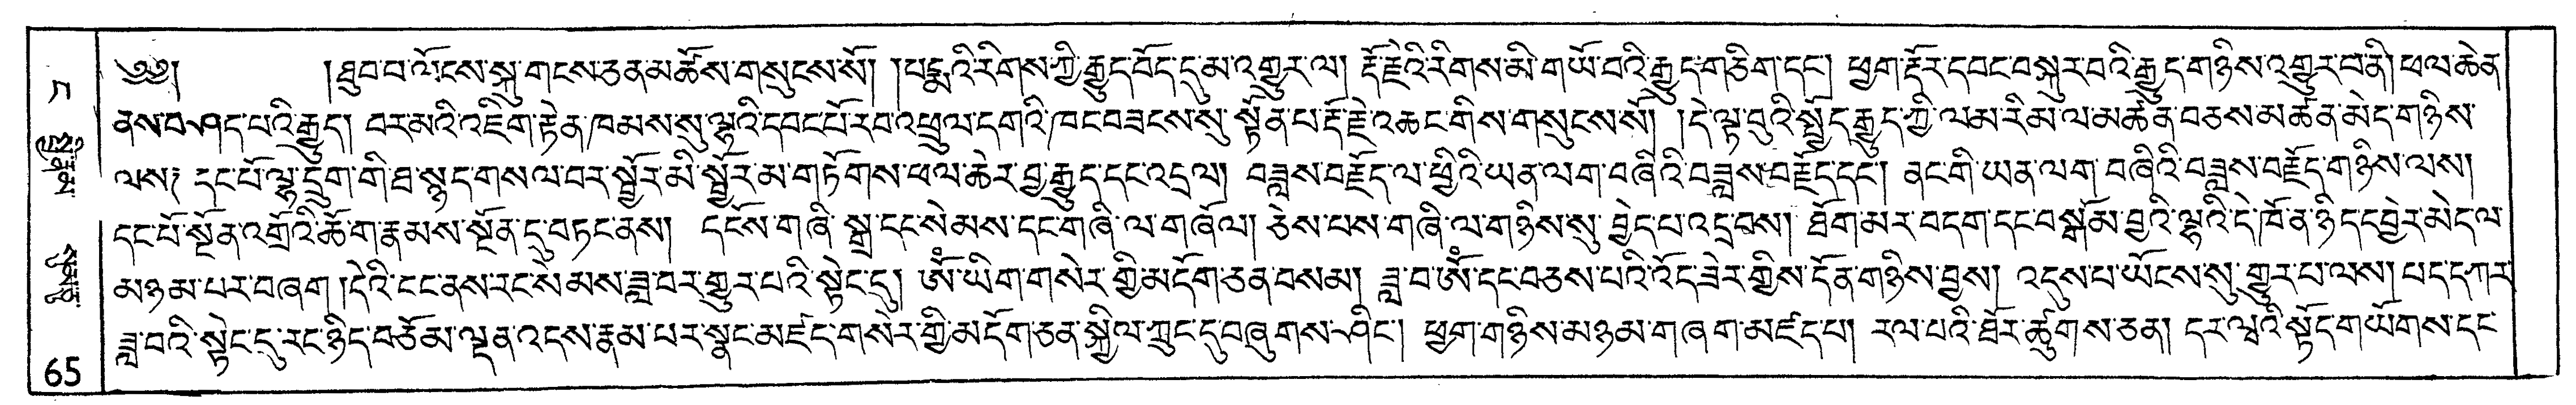༄༅། །ཐུབ་པ་ལོངས་སྐུ་གངས་ཅན་མཚོས་གསུངས་སོ། །པདམའི་རིགས་ཀྱི་རྒྱུད་བོད་དུ་མ་འགྱུར་ལ། རྡོ་རྗེའི་རིགས་མི་གཡོ་བའི་རྒྱུད་གཅིག་དང་། ཕྱག་རྡོར་དབང་བསྐུར་བའི་རྒྱུད་གཉིས་འགྱུར་བ་ནི། ཕལ་ཆེན་
ནས་བཤད་པའི་རྒྱུད། བར་མའི་འཇིག་རྟེན་ཁམས་སུ་ལྷའི་དབང་པོ་རབ་འཕྲུལ་དགའི་ཁང་བཟངས་སུ་སྟོན་པ་རྡོ་རྗེ་འཆང་གིས་གསུངས་སོ། །དེ་ལྟ་བུའི་སྤྱོད་རྒྱུད་ཀྱི་ལམ་རིམ་ལ་མཚན་བཅས་མཚན་མེད་གཉིས་
ལས། དང་པོ་ལྷ་དྲུག་གི་ཐ་སྙད་གསལ་བར་སྦྱོར་མི་སྦྱོར་མ་གཏོགས་ཕལ་ཆེར་བྱ་རྒྱུད་དང་འདྲ་ལ། བཟླས་བརྗོད་ལ་ཕྱིའི་ཡན་ལག་བཞིའི་བཟླས་བརྗོད་དང་། ནང་གི་ཡན་ལག་བཞིའི་བཟླས་བརྗོད་གཉིས་ལས།
དང་པོ་སྔོན་འགྲོའི་ཆོ་ག་རྣམས་སྔོན་དུ་བཏང་ནས། དངོས་གཞི་སྒྲ་དང་སེམས་དང་གཞི་ལ་གཞོལ། ཅེས་པས་གཞི་ལ་གཉིས་སུ་བྱེད་པ་འདྲ་བས། ཐོག་མར་བདག་དང་བསྒོམ་བྱའི་ལྷའི་དེ་ཁོ་ན་ཉིད་དབྱེར་མེད་ལ་
མཉམ་པར་བཞག །དེའི་ངང་ནས་རང་སེམས་ཟླ་བར་གྱུར་པའི་སྟེང་དུ། ཨོཾ་ཡིག་གསེར་གྱི་མདོག་ཅན་བསམ། ཟླ་བ་ཨོཾ་དང་བཅས་པའི་འོད་ཟེར་གྱིས་དོན་གཉིས་བྱས། འདུས་པ་ཡོངས་སུ་གྱུར་པ་ལས། པད་དཀར་
ཟླ་བའི་སྟེང་དུ་རང་ཉིད་བཅོམ་ལྡན་འདས་རྣམ་པར་སྣང་མཛད་གསེར་གྱི་མདོག་ཅན་སྐྱིལ་ཀྲུང་དུ་བཞུགས་ཤིང་། ཕྱག་གཉིས་མཉམ་གཞག་མཛད་པ། རལ་པའི་ཐོར་ཚུགས་ཅན། དར་ཝའི་སྟོད་གཡོགས་དང་